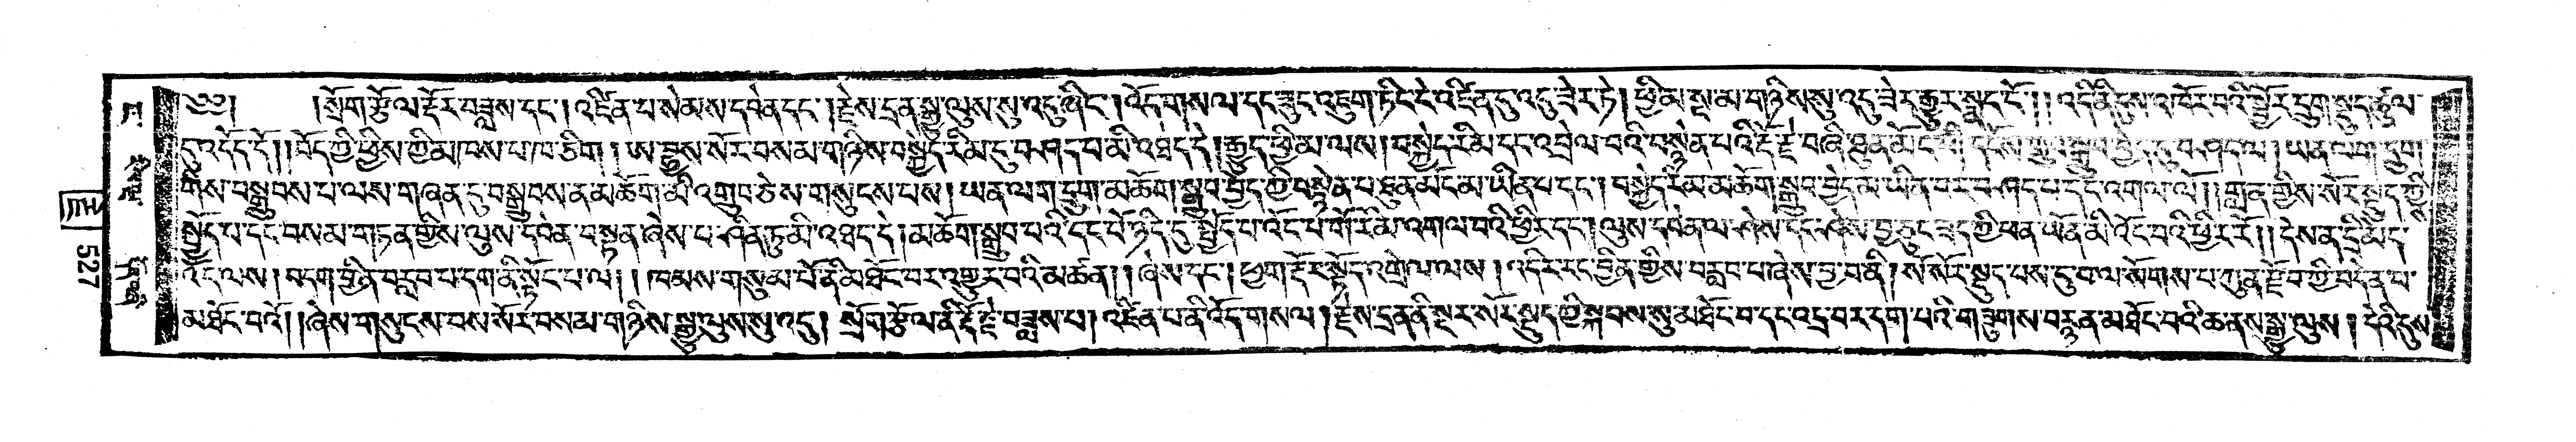༄༅། །སྲོག་རྩོལ་རྡོར་བཟླས་དང་། འཛིན་པ་སེམས་དབེན་དང་། རྗེས་དྲན་སྒྱུ་ལུས་སུ་འདུ་ཞིང་།འོད་གསལ་དང་ཟུང་འཇུག་ཏིང་ངེ་འཛིན་དུ་འདུ་ཟེར་ཏེ། ཕྱི་མ་སྔ་མ་གཉིས་སུ་འདུ་ཟེར་རྒྱུར་སྣང་ངོ། །འདི་ནི་དུས་འཁོར་བའི་སྦྱོར་དྲུག་སྡུད་ཚུལ་
དུ་འདོད་དོ། །བོད་ཀྱི་ཕྱིས་ཀྱི་མཁས་པ་ཁ་ཅིག །ཨ་བྷྱས་སོར་བསམ་གཉིས་བསྐྱེད་རིམ་དུ་བཤད་པ་མི་འཐད་དེ། རྒྱུད་ཕྱི་མ་ལས། བསྐྱེད་རིམ་དང་འབྲེལ་བའི་བསྙེན་པའི་རྡོ་རྗེ་བཞི་ཐུན་མོང་གི་དངོས་གྲུབ་སྒྲུབ་བྱེད་དུ་བཤད་ལ། ཡན་ལག་དྲུག་
གིས་བསྒྲུབས་པ་ལས་གཞན་དུ་བསྒྲུབས་ན་མཆོག་མི་འགྲུབ་ཅེས་གསུངས་པས། ཡན་ལག་དྲུག་མཆོག་སྒྲུབ་བྱེད་ཀྱི་བསྙེན་པ་ཐུན་མོང་མ་ཡིན་པ་དང་། བསྐྱེད་རིམ་མཆོག་སྒྲུབ་བྱེད་མ་ཡིན་པར་བཤད་པ་དང་འགལ་ལོ། །གླན་གྱིས་སོར་སྡུད་ཀྱིས་
སྤྱོད་པ་དང་བསམ་གཏན་གྱིས་ལུས་དབེན་བསྟན་ཞེས་པ་ཤིན་ཏུ་མི་འཐད་དེ། མཆོག་སྒྲུབ་པའི་དང་པོ་ཉིད་དུ་སྤྱོད་པ་འོང་བ་གོ་རིམ་འགལ་བའི་ཕྱིར་དང་།ལུས་དབེན་ལ་ཤེས་དང་ཤེས་བྱ་ཅུང་ཟད་ཀྱི་ཕན་ཡོན་མི་འོང་བའི་ཕྱིར་རོ། །དེས་ན་དྲི་མེད་
འོད་ལས། བདག་བྱིན་བརླབ་པ་དག་ནི་སྟོང་པ་ལ། །ཁམས་གསུམ་པོ་ནི་མཐོང་བར་འགྱུར་བའི་མཚན། །ཞེས་དང་། ཕྱག་རྡོར་སྟོད་འགྲེལ་ལས། འདིར་རང་བྱིན་གྱིས་བརླབ་པ་ཞེས་བྱ་བ་ནི། སོ་སོར་སྡུད་པས་དུ་བ་ལ་སོགས་པ་ཀུན་རྫོབ་ཀྱི་བདེན་པ་
མཐོང་བའོ། །ཞེས་གསུངས་པས་སོར་བསམ་གཉིས་སྒྱུ་ལུས་སུ་འདུ། སྲོག་རྩོལ་ནི་རྡོ་རྗེ་བཟླས་པ། འཛིན་པ་ནི་འོད་གསལ། རྗེས་དྲན་ནི་སྔར་སོར་སྡུད་ཀྱི་སྐབས་སུ་མཐོང་བ་དང་འདྲ་བར་དག་པའི་གཟུགས་བརྙན་མཐོང་བའི་ཆ་ནས་སྒྱུ་ལུས། དེའི་དུས་